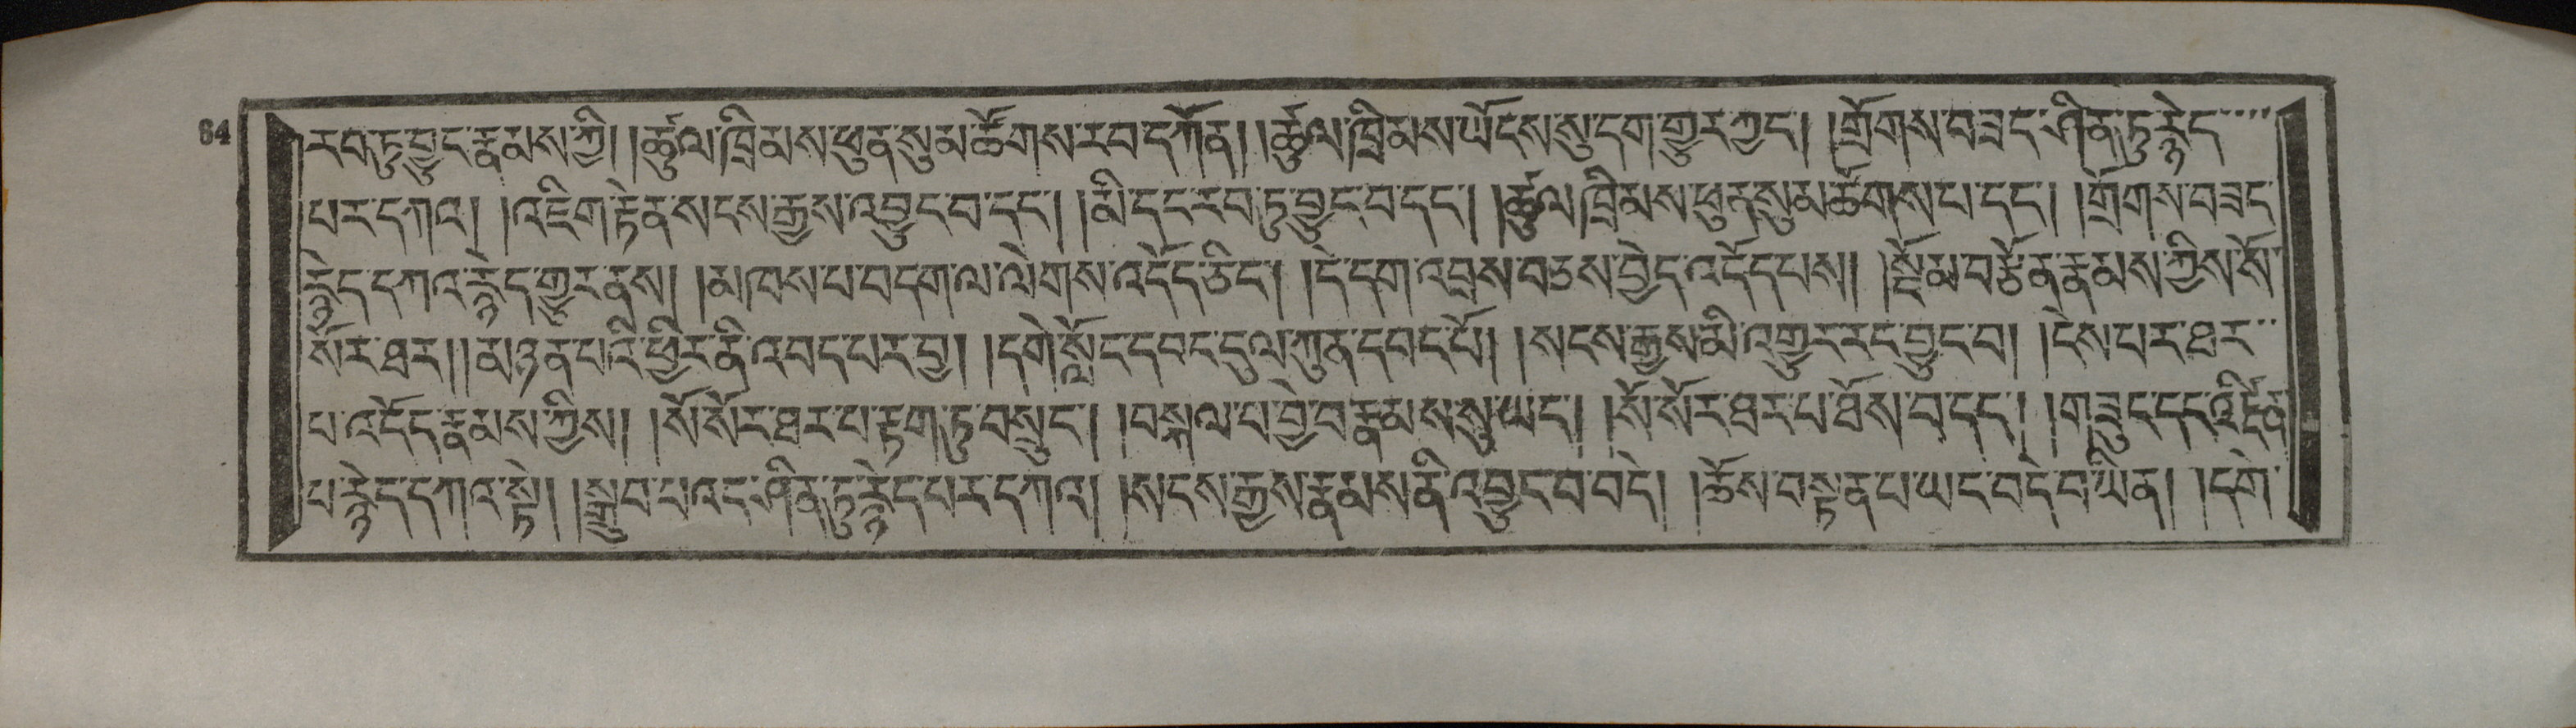རབ་ཏུ་བྱུང་རྣམས་ཀྱི། །ཚུལ་ཁྲིམས་ཕུན་སུམ་ཚོགས་རབ་དཀོན། །ཚུལ་ཁྲིམས་ཡོངས་སུ་དག་གྱུར་ཀྱང་། །གྲོགས་བཟང་ཤིན་ཏུ་རྙེད་
པར་དཀའ། །འཇིག་རྟེན་སངས་རྒྱས་འབྱུང་བ་དང་། །མི་དང་རབ་ཏུ་བྱུང་བ་དང་། །ཚུལ་ཁྲིམས་ཕུན་སུམ་ཚོགས་པ་དང་། །གྲོགས་བཟང་
རྙེད་དཀའ་རྙེད་གྱུར་ནས། །མཁས་པ་བདག་ལ་ལེགས་འདོད་ཅིང་། །དེ་དག་འབྲས་བཅས་བྱེད་འདོད་པས། །སྡོམ་བརྩོན་རྣམས་ཀྱིས་སོ་
སོར་ཐར། །མཉན་པའི་ཕྱིར་ནི་འབད་པར་བྱ། །དགེ་སློང་དབང་དུལ་ཀུན་དབང་པོ། །སངས་རྒྱས་མི་འགྱུར་རང་བྱུང་བ། །ངེས་པར་ཐར་
པ་འདོད་རྣམས་ཀྱིས། །སོ་སོར་ཐར་པ་རྟག་ཏུ་བསྲུང་། །བསྐལ་པ་བྱེ་བ་རྣམས་སུ་ཡང་། །སོ་སོར་ཐར་པ་ཐོས་པ་དང་། །གཟུང་དང་འཛིན་
པ་རྙེད་དཀའ་སྟེ། །སྒྲུབ་པའང་ཤིན་ཏུ་རྙེད་པར་དཀའ། །སངས་རྒྱས་རྣམས་ནི་འབྱུང་བ་བདེ། །ཆོས་བསྟན་པ་ཡང་བདེ་བ་ཡིན། །དགེ་